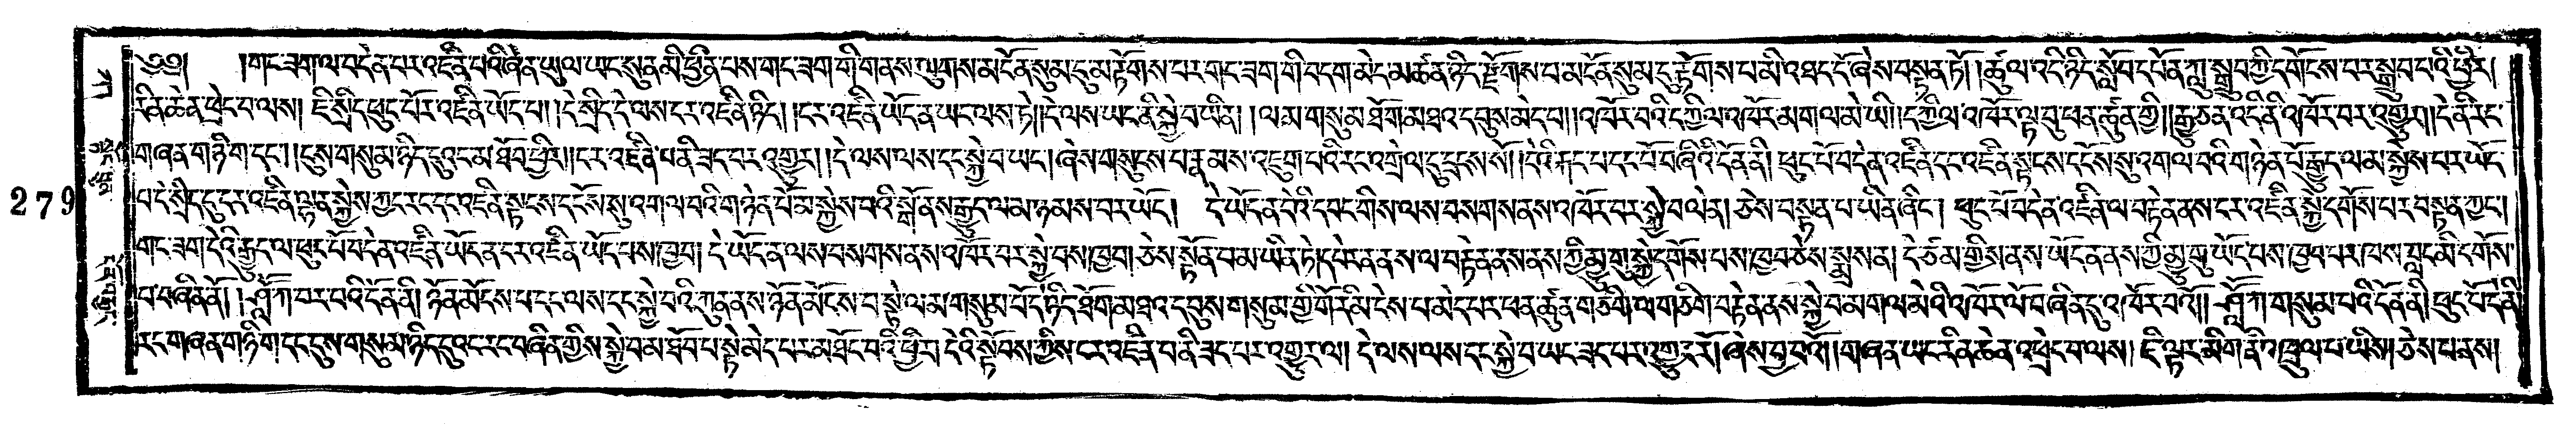༄༅། །གང་ཟག་ལ་བདེན་པར་འཛིན་པའི་ཞེན་ཡུལ་ཡང་སུན་མི་ཕྱིན་པས་གང་ཟག་གི་གནས་ལུགས་མངོན་སུམ་དུ་མ་རྟོགས་པར་གང་ཟག་གི་བདག་མེད་མཚན་ཉིད་རྫོགས་པ་མངོན་སུམ་དུ་རྟོགས་པ་མི་འཐད་དོ་ཞེས་བསྟན་ཏོ། །ཚུལ་འདི་ཉིད་སློབ་དཔོན་ཀླུ་སྒྲུབ་ཀྱི་དགོངས་པར་སྒྲུབ་པའི་ཕྱིར།
རིན་ཆེན་ཕྲེང་བ་ལས། ཇི་སྲིད་ཕུང་པོར་འཛིན་ཡོད་པ། །དེ་སྲིད་དེ་ལས་ངར་འཛིན་ཉིད། །ངར་འཛིན་ཡོད་ན་ཡང་ལས་ཏེ། །དེ་ལས་ཡང་ནི་སྐྱེ་བ་ཡིན། །ལམ་གསུམ་ཐོག་མཐའ་དབུས་མེད་པ། །འཁོར་བའི་དཀྱིལ་འཁོར་མགལ་མེ་ཡི། །དཀྱིལ་འཁོར་ལྟ་བུ་ཕན་ཚུན་གྱི། །རྒྱུ་ཅན་འདི་ནི་འཁོར་བར་འགྱུར། །དེ་ནི་རང་
གཞན་གཉི་ག་དང་། །དུས་གསུམ་ཉིད་དུའང་མ་ཐོབ་ཕྱིར། །དང་འཛིན་པ་ནི་ཟད་པར་འགྱུར། །དེ་ལས་ལས་དང་སྐྱེ་བ་ཡང་། ཞེས་གསུངས་པ་རྣམས་འཇུག་པའི་རང་འགྲེལ་དུ་དྲངས་སོ། །དེའི་རྐང་པ་དང་པོ་བཞིའི་དོན་ནི། ཕུང་པོ་བདེན་འཛིན་དང་འཛིན་སྟངས་དངོས་སུ་འགལ་བའི་གཉེན་པོ་རྒྱུད་ལམ་སྐྱེས་པར་ཡོད་
པ་དེ་སྲིད་དུ་ངར་འཛིན་ལྷན་སྐྱེས་ཀྱང་རང་དང་འཛིན་སྟངས་དངོས་སུ་འགལ་བའི་གཉེན་པོ་མ་སྐྱེས་པའི་སྒོ་ནས་རྒྱུད་ལམ་ཉམས་བར་ཡོད། དེ་ཡོད་ན་དེའི་དབང་གིས་ལས་བསགས་ནས་འཁོར་བར་སྐྱེ་བ་ལེན། ཅེས་བསྟན་པ་ཡིན་ཞིང་། ཕུང་པོ་བདེན་འཛིན་ལ་བརྟེན་ནས་ངར་འཛིན་སྐྱེ་དགོས་པར་བསྟན་ཀྱང་།
གང་ཟག་དེའི་རྒྱུད་ལ་ཕུང་པོ་བདེན་འཛིན་ཡོང་ན་ངར་འཛིན་ཡོད་བས་ཁྱབ། དེ་ཡོང་ན་ལས་བསགས་ནས་འཁོར་བར་སྐྱེ་བས་ཁྱབ། ཅེས་སྟོན་པ་མ་ཡིན་ཏེ། དཔེར་ན་ནས་ལ་བརྟེན་ནས་ནས་ཀྱི་མྱུ་གུ་སྐྱེ་དགོས་པས་ཁྱབ་ཅེས་སྨྲས་ན། དེ་ཙམ་གྱིས་ནས་ཡོད་ན་ནས་ཀྱི་མྱུ་གུ་ཡོད་པས་ཁྱབ་པར་ཁས་བླང་མི་དགོས་
པ་བཞིན་ནོ། །ཤླཽཀ་བར་བའི་དོན་ནི། ཉོན་མོངས་པ་དང་ལས་དང་སྐྱེ་བའི་ཀུན་ནས་ཉོན་མོངས་པ་སྟེ་ལམ་གསུམ་པོ་དེ་ཉིད་ཐོག་མཐའ་དབུས་གསུམ་གྱི་གོ་རིམ་ངེས་པ་མེད་པར་ཕན་ཚུན་གཅིག་ལ་གཅིག་བརྟེན་ནས་སྐྱེ་བ་མགལ་མེའི་འཁོར་ལོ་བཞིན་དུ་འཁོར་བའོ།། ཤླཽ་ཀ་གསུམ་པའི་དོན་ནི། ཕུང་པོ་དེ་ནི་
རང་གཞན་གཉི་ག་དང་དུས་གསུམ་ཉིད་དུའང་རང་བཞིན་གྱིས་སྐྱེ་བ་མ་ཐོབ་པ་སྟེ་མེད་པར་མཐོང་བའི་ཕྱིར། དེའི་སྟོབས་ཀྱིས་ངར་འཛིན་པ་ནི་ཟད་པར་འགྱུར་ལ། དེ་ལས་ལས་དང་སྐྱེ་བ་ཡང་ཟང་པར་འགྱུར་རོ། ཞེས་བྱ་བའོ། །གཞན་ཡང་རིན་ཆེན་འཕྲེང་བ་ལས། ཇི་ལྟར་མིག་ནི་འཁྲུལ་པ་ཡིས། ཅེས་པ་ནས།